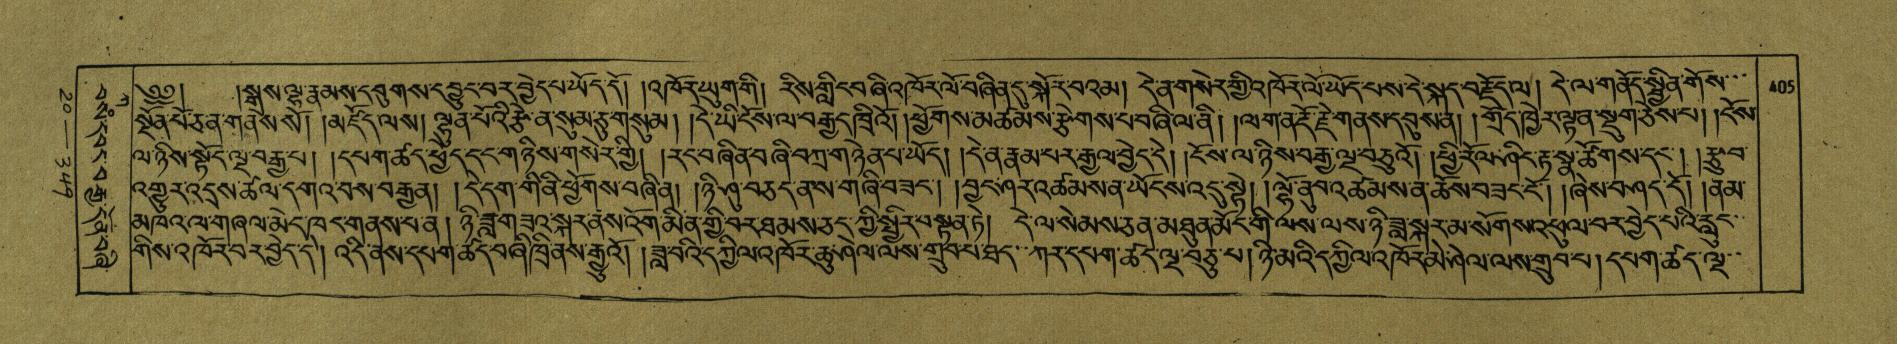༄༅། །སྒྲས་ལྷ་རྣམས་དབུགས་དབྱུང་བར་བྱེད་པར་ཡོད་དོ། །འཁོར་ཡུག་གི། རིས་གླིང་བཞི་འཁོར་ལོ་བཞིན་དུ་སྐོར་བའམ། དེ་ན་གསེར་གྱི་འཁོར་ལོ་ཡོད་པས་དེ་སྐད་བརྗོད་ལ། དེ་ལ་གནོད་སྦྱིན་གོས་
སྔོན་པོ་ཅན་གནས་སོ། །མཛོད་ལས། ལྷུན་པོའི་རྩེ་ན་སུམ་ཅུ་གསུམ། །དེ་ཡི་ངོས་ལ་བརྒྱད་ཁྲིའོ། །ཕྱོགས་མཚམས་རྩེགས་པ་བཞི་ལ་ནི། །ལག་ན་རྡོ་རྗེ་གནས་དབུས་ན། གྲོང་ཁྱེར་ལྟ་ན་སྡུག་ཅེས་པ། །ངོས་
ལ་ཉིས་སྟོང་ལྔ་བརྒྱ་པ། །དཔག་ཚད་ཕྱེད་དང་གཉིས་གསེར་གྱི། །རང་བཞིན་བཞི་བཀྲ་གཉེན་པ་ཡོད། །དེ་ན་རྣམ་པར་རྒྱལ་བྱེད་དེ། །ངོས་ལ་ཉིས་བརྒྱ་ལྔ་བཅུའོ། །ཕྱི་རོལ་ཤིང་རྟ་སྣ་ཚོགས་དང་། །རྩུབ་
འགྱུར་འདྲས་ཚལ་དགའ་བས་བརྒྱན། །དེ་དག་གི་ནི་ཕྱོགས་བཞིན། །ཉི་ཤུ་བཅད་ནས་གཞི་བཟང་། །བྱང་ཤར་འཚམས་ན་ཡོངས་འདུ་སྟེ། །ལྷོ་ནུབ་འཚམས་ན་ཆོས་བཟང་ངོ། །ཞེས་བཤད་དོ། །ནམ་
མཁའ་ལ་གཞལ་མེད་ཁང་གནས་པ་ན། ཉི་ཟླ་གཟའ་སྐར་ནས་འོག་མིན་གྱི་བར་ཐམས་ཅད་ཀྱི་སྤྱིར་བསྟན་ཏེ། དེ་ལ་སེམས་ཅན་མཐུན་མོང་གི་ལས་ལས་ཉི་ཟླ་སྐར་མ་སོགས་འཕུལ་བར་བྱེད་པའི་རླུང་
གིས་འཁོར་བར་བྱེད་དེ། འདི་ནས་དཔག་ཚད་བཞི་ཁྲི་ནས་རྒྱུའོ། །ཟླ་བའི་དཀྱིལ་འཁོར་ཆུ་ཤེལ་ལས་གྲུབ་པ་ཐད་ཀར་དཔག་ཚད་ལྔ་བཅུ་པ། ཉི་མའི་དཀྱིལ་འཁོར་མེ་ཤེལ་ལས་གྲུབ་པ། དཔག་ཚད་ལྔ་